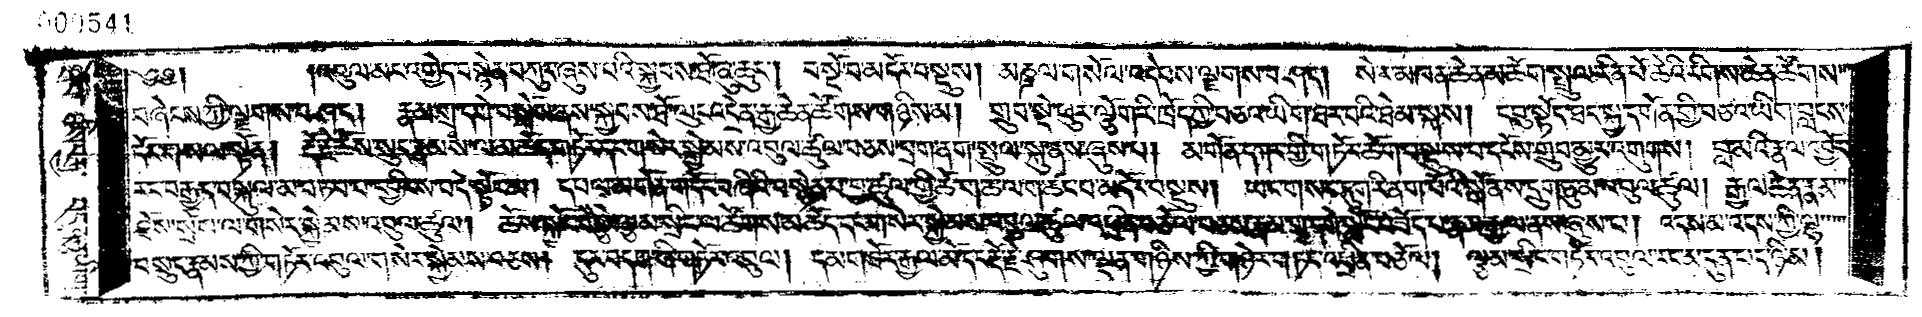༄༅། །འབུལ་མང་འགྱེད་བསྙེན་བཀུར་ཞུས་པའི་སྐྱབས་ཐོ་ཞུ་ཆུང་། བསྔོ་བ་མདོར་བསྡུས། མཎྜལ་གསོལ་འདེབས་ལྗགས་བཤད། སེ་ར་མཁན་ཆེན་མཆོག་སྤྲུལ་རིན་པོ་ཆེའི་རིགས་ཆེན་ཚོགས་
བཞེངས་ཀྱི་ལྗགས་བཤད། རྣམ་གྲྭ་དགེ་བསྐོས་ནས་སྐྱབས་ཐོ་ལུང་འདྲེན་རྒྱ་ཆེན་ཚོགས་གཉིས་མ། གྲུབ་སྡེ་ཕུར་ལྕོག་རི་ཁྲོད་ཀྱི་བཅའ་ཡིག་ཐར་བའི་ཐེམ་སྐས། དབུ་སྟོད་ཐང་སྐྱ་དགོན་གྱི་བཅའ་ཡིག་བླངས་
དོར་གསལ་སྟོན། རྡོ་རྗེ་ཆོས་སྲུང་རྣམས་ལ་མཆོད་གཏོར་དང་གསེར་སྐྱེམས་འབུལ་ཚུལ་བཅས་བྲག་ནག་སྤྲུལ་སྐུ་ནས་ཞུས་པ། མགོན་དཀར་གྱི་གཏོར་ཆོག་བསྡུས་པ་དངོས་གྲུབ་མྱུར་འགུགས། བླ་མའི་རྣལ་འབྱོར་
རང་བརྒྱུད་བསྐུལ་མ་བཏབ་པ་དབྱིངས་བདེ་སྟོང་མ། དཔལ་མགོན་གདོང་བཞིའི་བསྙེན་པ་བྱ་ཚུལ་གྱི་ཆོ་ག་ཆ་ལག་ཚང་བ་མདོར་བསྡུས། ཡང་གསང་དུག་རི་ནག་པོའི་སྒོ་ནས་དྲུག་ཅུ་མ་འབུལ་ཚུལ། རྒྱལ་ཆེན་རྣམ་
ཐོས་སྲས་ལ་གསེར་སྐྱེམས་འབུལ་ཚུལ། ཆོས་སྐྱོང་བཻགཙེ་ལྕམ་སྲིང་ལ་ཚོགས་མཆོད་དང་གསེར་སྐྱེམས་འབུལ་ཚུལ་འཕྲིན་བཅོལ་བཅས་རྣམ་གྲྭ་དགེ་སློང་བཟོད་པ་རྣམ་རྒྱལ་ནས་ཞུས་པ། འདས་མ་འདས་ཀྱི་ལྷ་
བསྲུང་རྣམས་ཀྱི་གཏོར་འབུལ་གསེར་སྐྱེམས་བཅས། དུར་བདག་གི་གཏོར་འབུལ། དམག་ཟོར་རྒྱལ་མོ་དང་རྡོ་རྗེ་ཤུགས་ལྡན་གཉིས་ཀྱི་གཉེར་གཏད་འཕྲིན་བཅོལ། ལྕམ་སྲིང་གཏོར་འབུལ་རང་མདུན་པད་ཉི་མ།